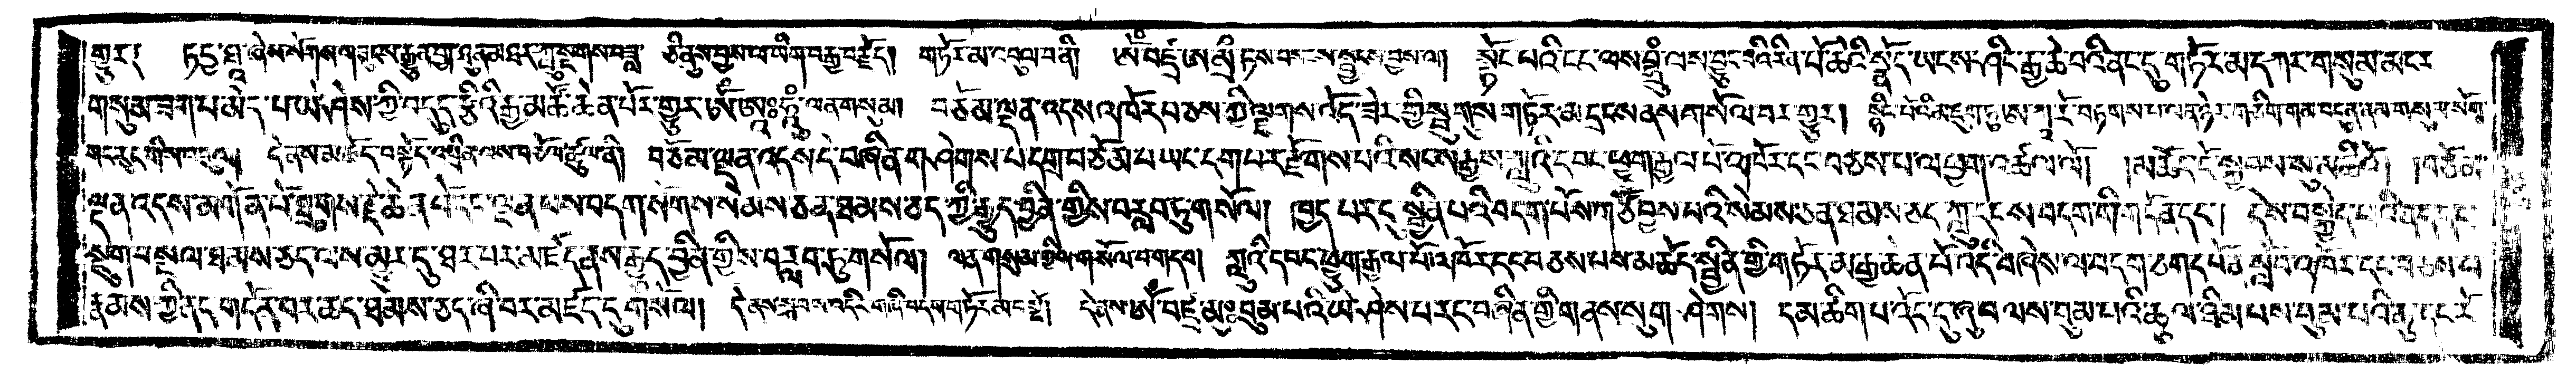གྱུར། ཏདྱ་ཐཱ་ཞེས་སོགས་གཟུངས་རྒྱུན་བྱ། ཐུན་མཐར་ཀླུ་སྔགས་བཟླ་ཅི་ནུས་བྱས་ལ་ཡིག་བརྒྱ་བརྗོད། གཏོར་མ་འབུལ་བ་ནི། ཨོཾ་བཛྲ་ཨ་མྲྀ་ཏས་?སྦྱར་བྱས་ལ། སྟོང་པའི་ངང་ལས་བྷྲུཾ་ལས་བྱུང་བའི་རིན་པོ་ཆེའི་སྣོད་ཡངས་ཤིང་རྒྱ་ཆེ་བའི་ནང་དུ་གཏོར་མ་དཀར་གསུམ་མངར་
གསུམ་ཟག་པ་མེད་པ་ཡེ་ཤེས་ཀྱི་བདུད་རྩིའི་རྒྱ་མཚོ་ཆེན་པོར་གྱུར་ཨོཾ་ཨཱཿ ཧཱུཾ་ལན་གསུམ། བཅོམ་ལྡན་འདས་འཁོར་བཅས་ཀྱི་ལྔགས་འོད་ཟེར་གྱི་སྤུ་གུས་གཏོར་མ་དྲངས་ནས་གསོལ་བར་གྱུར། སྙིང་བོའི་མཇུག་ཏུ་ཨ་ཀཱ་རོ་བཏགས་པ་ལན་ཉེར་གཅིག་གམ་བདུན་ནས་གསུམ་སོགས་
གང་རུང་གིས་འདུལ། དེ་ནས་མཆོད་བསྟོད་འབྲིན་བས?་བཅོག་ཚུལ་ནི། བཅོམ་ལྡན་འདས་དེ་བཞིན་གཤེགས་པ་དགྲ་བཅོམ་པ་ཡང་དག་པར་རྫོགས་པའི་རས་སངས་རྒྱས་ཀླུའི་དབང་ཕྱུག་རྒྱལ་པོ་འཁོར་དང་བཅས་པ་ལ་ཕྱག་འཚལ་ལོ། མཆོད་དོ་སྐྱབས་སུན་ཆིའོ། །བཅོམ་
ལྡན་འདས་མྐོན་པོ་ཐུགས་རྗེ་ཆེན་པོ་དང་ལྡན་པས་བདག་སོགས་སེམས་ཅན་ཐམས་ཅད་ཀྱི་རྒྱུད་བྱིན་གྱིས་བརླབ་ཏུ་གསོལ། ཁྱད་པར་དུ་སྦྱིན་པའི་བདག་པོས་གཙོ་བྱས་པའི་སེམས་ཅན་ཐམས་ཅད་ཀླུ་དངས་བདག་གི་གདོན་དང་། དེས་བསྐྱེད་པའི་ནད་དང་
སྡུག་བསྔལ་ཐམས་ཅད་ལས་མྱུར་དུ་ཐར་པར་མཛད་ནས་རྒྱུད་བྱིན་གྱིས་བརླབ་ཏུ་གསོལ། ལན་གསུམ་གྱིས་གསོལ་བ་གདག། ཀླུའི་དབང་ཕྱུག་རྒྱལ་པོ་འཁོར་དང་བཅས་པས་མཆོད་སྦྱིན་གྱི་གཏོར་མ་རྒྱ་ཆེན་པོ་འདི་བཞེས་ལ་བདག་ཅག་དཔོན་སློབ་འཁོར་དང་བཅས་པ་
རྣམས་ཀྱི་ནང་གདོན་པར་ཆད་ཐམས་ཅད་ཞི་བར་མཛད་དུ་གསོལ། དེ་ནས་སྐབས་འདིར་ཉིད་བདས་གཏོར་མང་སྔོ། དེ་ནས་ཨོཾ་བཛྲ་མུཿ བུམ་པའི་ཡེ་ཤེས་པ་རང་བཞིན་གྱི་གནས་སུ་གཤེགས། དམ་ཚིག་པ་འོད་དུ་ཞུབ་ལས་བུམ་པའི་ཆུ་ལ་ཐིམ་པས་བུམ་པའི་ཆུ་དང་རོ་